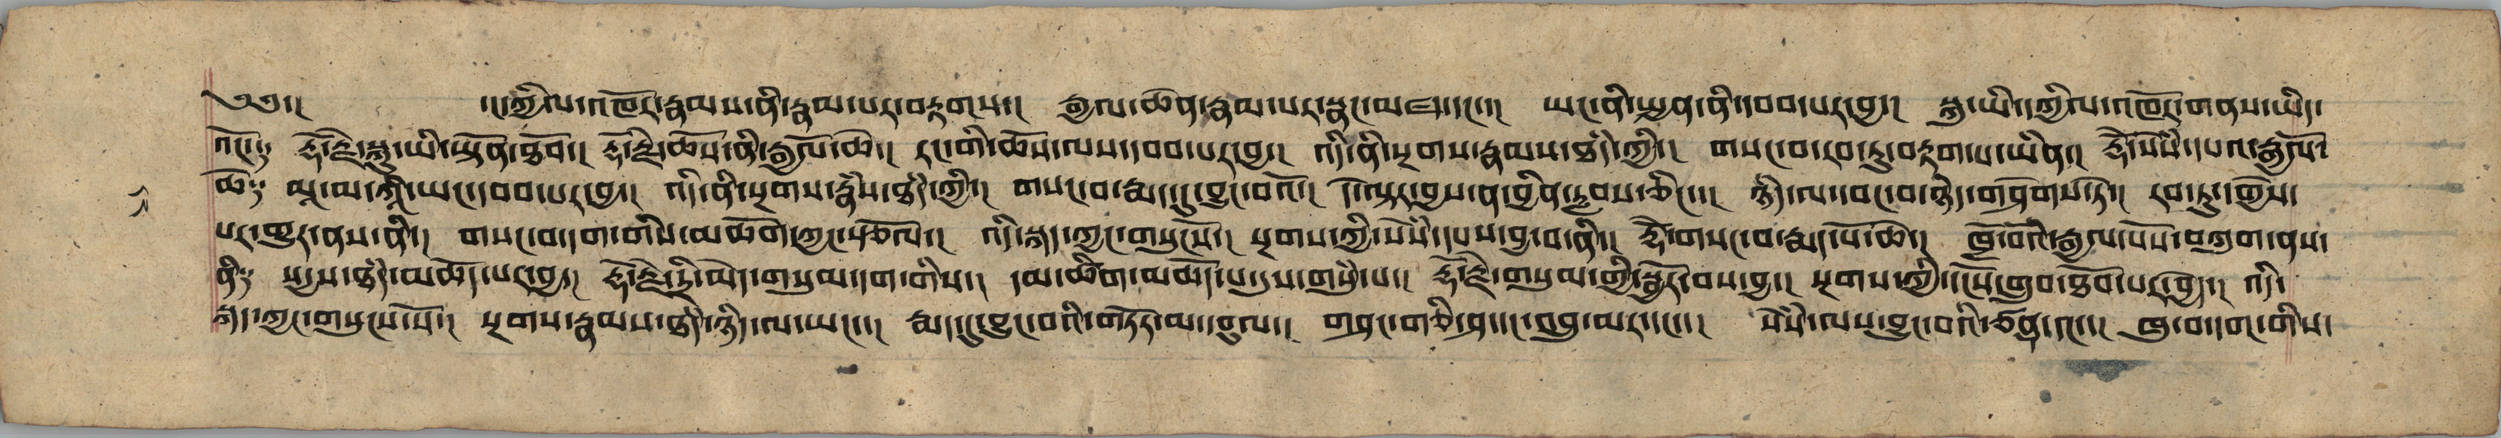༄༅་། ་།དཀྱིལ་འཁོར་རྣམས་ནི་རྣམ་པར་བརྟགས་། རྒྱལ་ཆེན་རྣམ་པར་སྣང་མཛད་དང་་། ཡང་ནི་སྤྱན་ནི་དབབ་པར་བྱ་། སྐུ་ཡི་དཀྱིལ་འཁོར་གནས་ཡིད་
འོང་༑ རྡོ་རྗེ་སྐུ་ཡི་ཡྟོན་ཐོབ་། རྡོ་རྗེ་ཆོས་ནི་རྒྱལོ་ཆེ་། རང་གི་ཆོས་ལས་དབབ་པར་བྱ་། འདི་ནི་སྔགས་རྣམས་ཐདཾ་ཀྱི་། གསང་བ་རབ་ཏུ་བརྟག་པ་ཡིན་། རྡོེ་སེཾས་དཔའ་རྒྱལོ་
ཆེ༑ མཱ་མ་ཀཱི་ཡང་དབབ་པར་བྱ་། འདི་ནི་སྔགས་རྣཾས་ཐདཾ་ཀྱི་། གསང་བ་རྨད་དུ་བྱུང་བའོ་། དེ་ལྟར་བྱས་ན་བྱིན་རླབས་ཅིང་་། ཉིད་ལ་དབང་བ་ཉིད་གཤེགས་ཏེ་། རབ་ཏུ་དགྱེས་
པར་གྱུར་ནས་ནི་། གསང་བ་དག་གིས་མཆོག་ཀྱང་སྩོལ་། འདི་སྐད་ཀྱང་གསུངསོ་། སྔགས་ཀྱི་སེཾས་དཔས་བྱ་བ་ནི་། རྡོེ་གསང་བ་རྨད་པོ་ཆེ་། ཁྲོ་བོའི་རྒྱལ་པོས་བཀུག་ནས་
ནི༑ སདྱས་ཐདཾ་མཆོད་པར་བྱ་། རྡོ་རྗེ་དྲི་མེད་གསུམ་དག་གིས་། དམ་ཚིག་མཆོད་པ་དུས་གསུཾ་པ་། རྡོ་རྗེ་གསུམ་གྱི་སྦྱོར་བས་བྱ་། སྔགས་ཀྱི་དངོས་གྲུབ་ཐོབ་པར་བྱེད་། འདི་
སྐད་ཀྱང་གསུངས་སོ་། སྔགས་རྣམས་ཐདཾ་ཉིད་ལ་ཡང་་། རྨད་དུ་བྱུང་བའི་གཏོར་མ་དབུལ་། གཤང་གཅི་ཤ་དང་འབྲུ་མར་དང་་། སེཾས་ལས་བྱུང་བའི་ཙནྡ་དང་་། ཁུ་བ་དག་གིས་